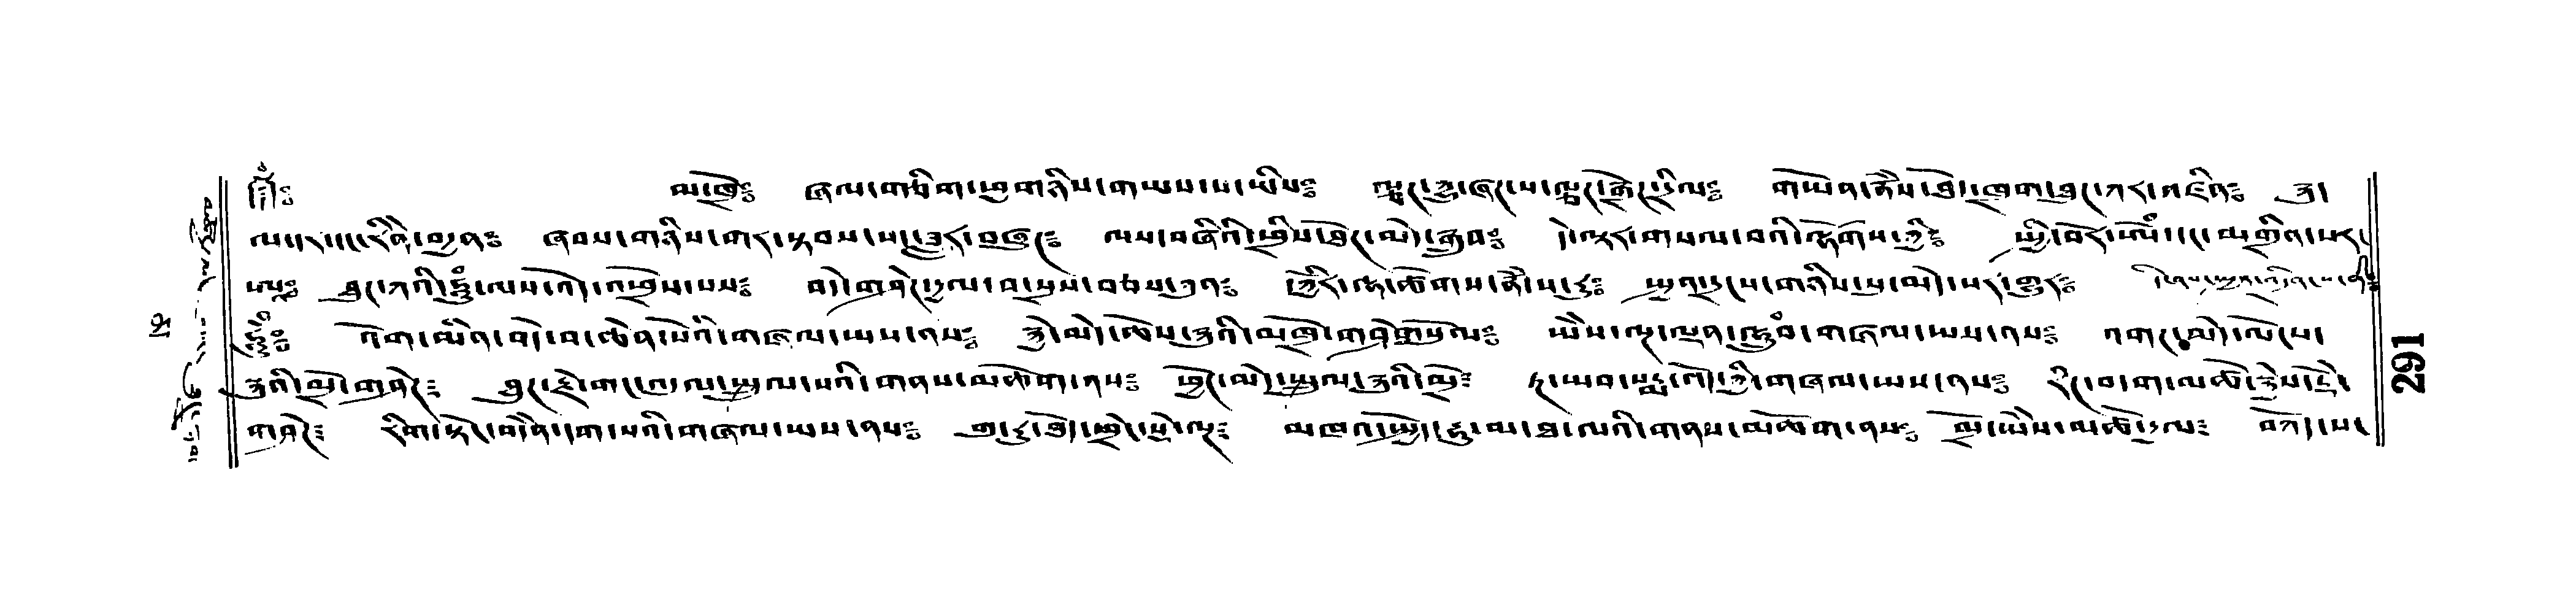མ་ཁྲོ༔ ཞལ་གཅིག་ཕྱག་གཉིས་གཡས་པ་ཡིས༔ ལྕགས་ཀྱུ་ཞགས་པ་ལྕགས་སྒྲོག་དྲིལ༔ གཡོན་རྣམས་ཐོད་ཁྲག་ཐུགས་ཀར་འཛིན༔ སྐུ་
ལ་དར་དང་རིན་ཆེན་བརྒྱན༔ ཞབས་གཉིས་གར་སྟབས་པད་ཟླར་བཞུགས༔ ལས་བཞིའི་ཕྲིན་ལས་ཐོགས་མེད་སྒྲུབ༔ དེ་ལྟར་གསལ་བའི་ལྷ་ཚོགས་ཀྱི༔ སྤྱི་བོར་ཨོཾ་དང་མགྲིན་པར་
ཨཱཿ ཐུགས་ཀའི་ཧཱུྃ་ལས་འོད་འཕྲོས་པས༔ བདེ་གཤེགས་རྒྱལ་བ་སྲས་བཅས་ཀུན༔ དཀྱིལ་འཁོར་ལྷ་ཚོགས་རྣམ་པ་རུ༔ སྤྱན་དྲངས་གཉིས་སུ་མེད་པར་གྱུར༔ དེ་ནས་སྤྱན་འདྲེན་པ་ནི༔ 
ཧཱུྃ༔ འོག་མིན་བདེ་བ་ཆེན་པོའི་གཞལ་ཡས་ནས༔ སྐྱེ་མེད་ཆོས་སྐུའི་མཁའ་འགྲོ་གཤེགས་སུ་གསོལ༔ ཡེ་ཤེས་ལྔ་ལྡན་ལྷུན་གྲུབ་གཞལ་ཡས་ནས༔ འགགས་མེད་ལོངས་
སྐུའི་མཁའ་འགྲོ་གཤེགས༴ ཐུགས་རྗེ་གང་འདུལ་སྤྲུལ་པའི་གནས་མཆོག་ནས༔ ཕྱོགས་མེད་སྤྲུལ་སྐུའི་མཁའ་འགྲོ༴ རྔ་ཡབ་པདྨ་འོད་ཀྱི་གཞལ་ཡས་ནས༔ རིགས་བདག་མཚོ་སྐྱེས་རྡོ་རྗེ་
གཤེགས༴ རིག་སྟོང་བདེ་ཆེན་དག་པའི་གཞལ་ཡས་ནས༔ གུ་རུ་ཐོད་ཕྲེང་སྡེ་ལྔ༴ མཁའ་སྤྱོད་དྷུ་མ་ཐ་ལའི་གནས་མཆོག་ནས༔ མཁའ་འགྲོ་ཡེ་ཤེས་མཚོ་རྒྱལ༴ བཀོད་པ་